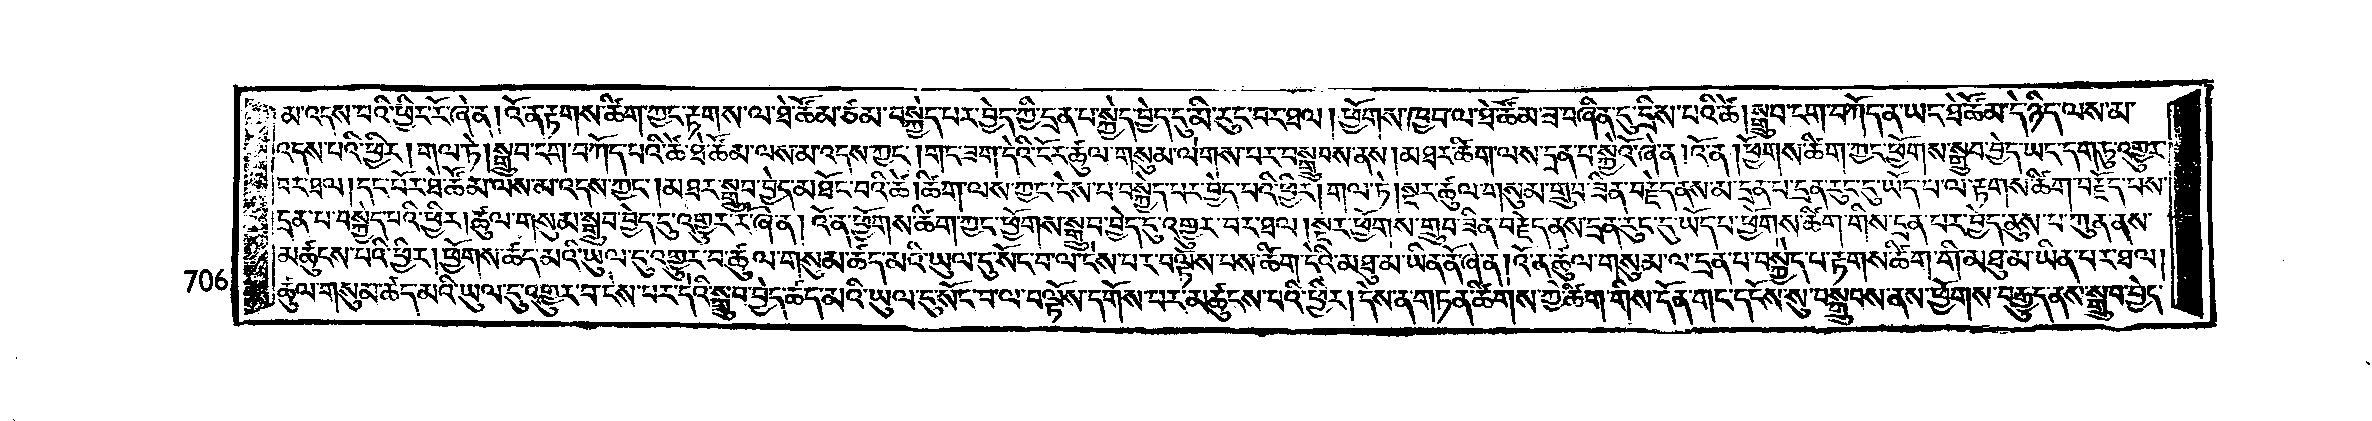མ་འདས་པའི་ཕྱིར་རོ་ཞེ་ན། འོ་ན་རྟགས་ཚིག་ཀྱང་རྟགས་ལ་ཐེ་ཚོམ་ཙམ་བསྐྱེད་པར་བྱེད་ཀྱི་དྲན་པ་སྐྱེད་བྱེད་དུ་མི་རུང་བར་ཐལ། ཕྱོགས་ཁྱབ་ལ་ཐེ་ཚོམ་ཟ་བཞིན་དུ་དྲིས་པའི་ཚེ། སྒྲུབ་ངག་བཀོད་ན་ཡང་ཐེ་ཚོམ་དེ་ཉིད་ལས་མ་
འདས་པའི་ཕྱིར། གལ་ཏེ། སྒྲུབ་ངག་བཀོད་པའི་ཚེ་ཐེ་ཚོམ་ལས་མ་འདས་ཀྱང་། གང་ཟག་དེའི་ངོར་ཚུལ་གསུམ་ལེགས་པར་བསྒྲུབས་ནས། མཐར་ཚིག་ལས་དྲན་པ་སྐྱེའོ་ཞེ་ན། འོ་ན། ཕྱོགས་ཚིག་ཀྱང་ཕྱོགས་སྒྲུབ་བྱེད་ཡང་དག་ཏུ་འགྱུར་
བར་ཐལ། དང་པོར་ཐེ་ཚོམ་ལས་མ་འདས་ཀྱང་། མཐར་སྒྲུབ་བྱེད་མཐོང་བའི་ཚེ། ཚིག་ལས་ཀྱང་ངེས་པ་བསྐྱེད་པར་བྱེད་པའི་ཕྱིར། གལ་ཏེ། སྔར་ཚུལ་གསུམ་གྲུབ་ཟིན་བརྗེད་ནས་མ་དྲན་པ་དྲན་རུང་དུ་ཡོད་པ་ལ་རྟགས་ཚིག་བརྗོད་པས་
དྲན་པ་བསྐྱེད་པའི་ཕྱིར། ཚུལ་གསུམ་སྒྲུབ་བྱེད་དུ་འགྱུར་རོ་ཞེ་ན། འོ་ན་ཕྱོགས་ཚིག་ཀྱང་ཕྱོགས་སྒྲུབ་བྱེད་དུ་འགྱུར་བར་ཐལ། སྔར་ཕྱོགས་གྲུབ་ཟིན་བརྗོད་ནས་དྲན་རུང་དུ་ཡོད་པ་ཕྱོགས་ཚིག་གིས་དྲན་པར་བྱེད་ནུས་པ་ཀུན་ནས་
མཚུངས་པའི་ཕྱིར། ཕྱོགས་ཚད་མའི་ཡུལ་དུ་འགྱུར་བ་ཚུལ་གསུམ་ཚད་མའི་ཡུལ་དུ་སོང་བ་ལ་ངེས་པར་བལྟོས་པས་ཚིག་དེའི་མཐུ་མ་ཡིན་ནོ་ཞེ་ན། འོ་ན་ཚུལ་གསུམ་ལ་དྲན་པ་བསྐྱེད་པ་རྟགས་ཚིག་གི་མཐུ་མ་ཡིན་པར་ཐལ།
ཚུལ་གསུམ་ཚད་མའི་ཡུལ་དུ་འགྱུར་བ་ངེས་པར་དེའི་སྒྲུབ་བྱེད་ཚད་མའི་ཡུལ་དུ་སོང་བ་ལ་བལྟོས་དགོས་པར་མཚུངས་པའི་ཕྱིར། དེས་ན་གཏན་ཚིགས་ཀྱི་ཚིག་གིས་དོན་གང་དངོས་སུ་བསྒྲུབས་ནས་ཕྱོགས་བརྒྱུད་ནས་སྒྲུབ་བྱེད་